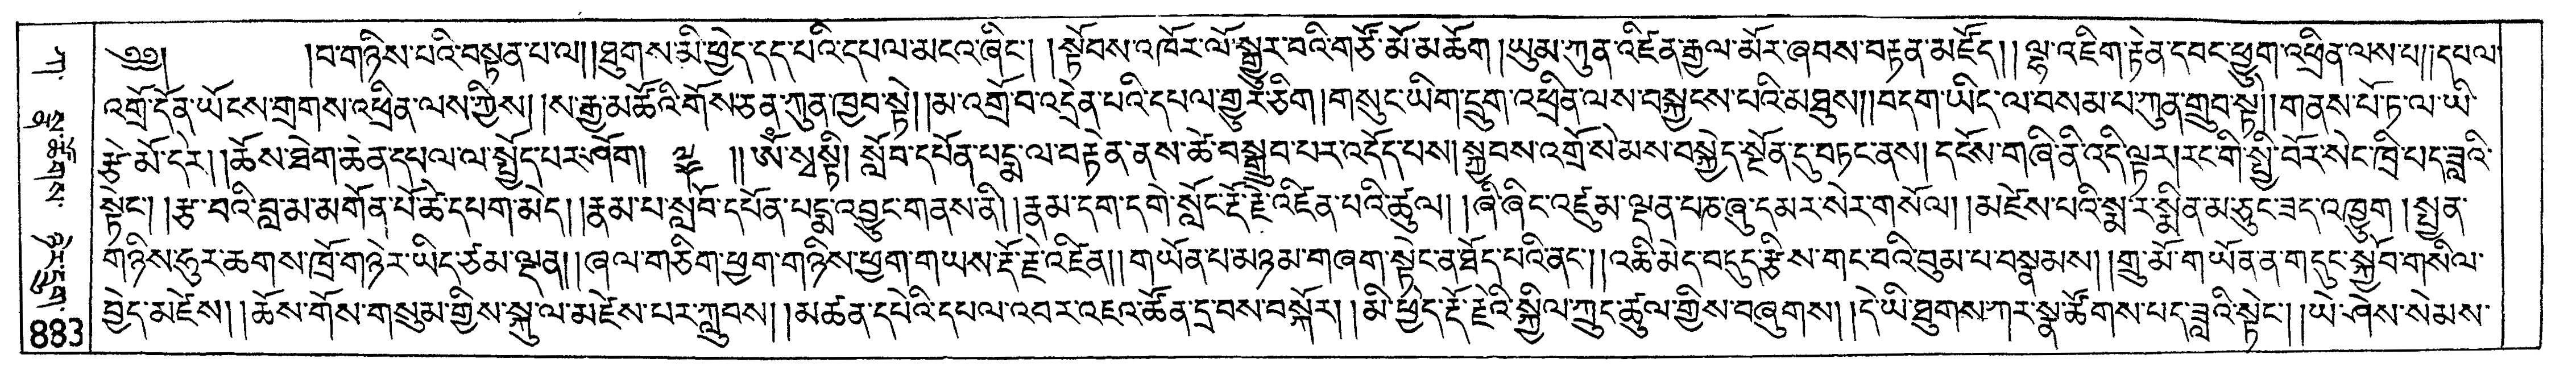༄༅། །པ་གཉིས་པའི་བསྟན་པ་ལ། །ཐུགས་མི་ཕྱེད་དད་པའི་དཔལ་མངའ་ཞིང་། །སྟོབས་འཁོར་ལོ་སྒྱུར་བའི་གཙོ་མོ་མཆོག །ཡུམ་ཀུན་འཛིན་རྒྱལ་མོར་ཞབས་བརྟན་མཛོད། །ལྷ་འཇིག་རྟེན་དབང་ཕྱུག་འཕྲིན་ལས་པ། །དཔལ་
འགྲོ་དོན་ཡོངས་གྲགས་འཕྲིན་ལས་ཀྱིས། །ས་རྒྱ་མཚོའི་གོས་ཅན་ཀུན་ཁྱབ་སྟེ། །མ་འགྲོ་བ་འདྲེན་པའི་དཔལ་གྱུར་ཅིག །གསུང་ཡིག་དྲུག་འཕྲིན་ལས་བསྐྱངས་པའི་མཐུས། །བདག་ཡིད་ལ་བསམ་པ་ཀུན་གྲུབ་སྟེ། །གནས་པོ་ཏ་ལ་ཡི་
རྩེ་མོ་དེར། །ཆོས་ཐེག་ཆེན་དཔལ་ལ་སྤྱོད་པར་ཤོག ། ༈ །།ཨོཾ་སྭསྟི། སློབ་དཔོན་པདམ་ལ་བརྟེན་ནས་ཚེ་བསྒྲུབ་པར་འདོད་པས། སྐྱབས་འགྲོ་སེམས་བསྐྱེད་སྔོན་དུ་བཏང་ནས། དངོས་གཞི་ནི་འདི་ལྟར། རང་གི་སྤྱི་བོར་སེང་ཁྲི་པད་ཟླའི་
སྟེང་། །རྩ་བའི་བླ་མ་མགོན་པོ་ཚེ་དཔག་མེད། །རྣམ་པ་སློབ་དཔོན་པདམ་འབྱུང་གནས་ནི། །རྣམ་དག་དགེ་སློང་རྡོ་རྗེ་འཛིན་པའི་ཚུལ། །ཞི་ཞིང་འཛུམ་ལྡན་པཎ་ཞུ་དམར་སེར་གསོལ། །མཛེས་པའི་སྨ་ར་སྨིན་མ་ཅུང་ཟད་འཁྱུག །སྤྱན་
གཉིས་ཧུར་ཆགས་ཁྲོ་གཉེར་ཡིད་ཙམ་ལྡན། །ཞལ་གཅིག་ཕྱག་གཉིས་ཕྱག་གཡས་རྡོ་རྗེ་འཛིན། །གཡོན་པ་མཉམ་གཞག་སྟེང་ན་ཐོད་པའི་ནང་། །འཆི་མེད་བདུད་རྩིས་གང་བའི་བུམ་པ་བསྣམས། །གྲུ་མོ་གཡོན་ན་གདུང་སྐྱོབ་གསིལ་
བྱེད་མཛེས། །ཆོས་གོས་གསུམ་གྱིས་སྐུ་ལ་མཛེས་པར་ཀླུབས། །མཚན་དཔེའི་དཔལ་འབར་འཇའ་ཚོན་དྲ་བས་བསྐོར། །མི་ཕྱེད་རྡོ་རྗེའི་སྐྱིལ་ཀྲུང་ཚུལ་གྱིས་བཞུགས། །དེ་ཡི་ཐུགས་ཀར་སྣ་ཚོགས་པད་ཟླའི་སྟེང་། །ཡེ་ཤེས་སེམས་